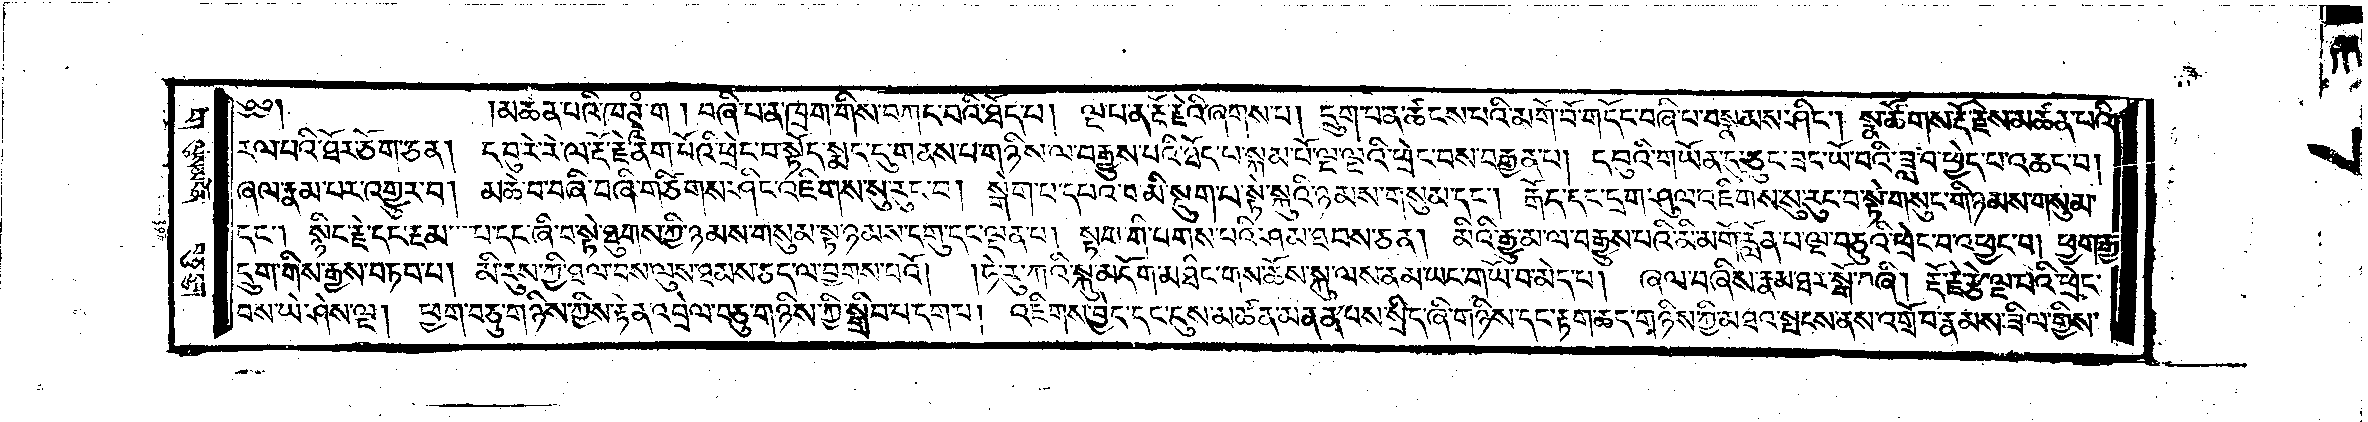༄༅། །མཆན་པའི་ཁ་ཊྭཱཾ་ག །བཞི་པ་ན་ཁྲག་གིས་བཀང་བའི་ཐོད་པ། ལྔ་པ་ན་རྡོ་རྗེའི་ཞགས་པ། དྲུག་པ་ན་ཚངས་པའི་མགོ་བོ་གདོང་བཞི་པ་བསྣམས་ཤིང་། སྣ་ཚོགས་རྡོ་རྗེས་མཚན་པའི་
རལ་པའི་ཐོར་ཅོག་ཅན། དབུ་རེ་རེ་ལ་རྡོ་རྗེ་ནག་པོའི་ཕྲེང་བ་སྟོད་སྨད་དུ་གནས་པ་གཉིས་ལ་བརྒྱུས་པའི་ཐོད་པ་སྐམ་པོ་ལྔ་ལྔའི་ཕྲེང་བས་བརྒྱན་པ། དབུའི་གཡོན་དུ་ཅུང་ཟད་ཡོ་བའི་ཟླ་བ་ཕྱེད་པ་འཆང་བ།
ཞལ་རྣམ་པར་འགྱུར་བ། མཆེ་བ་བཞི་བཞི་གཙིགས་ཤིང་འཇིགས་སུ་རུང་བ། སྒེག་པ་དཔའ་བ་མི་སྡུག་པ་སྟེ་སྐུའི་ཉམས་གསུམ་དང་། རྒོད་དང་དྲག་ཤུལ་འཇིགས་སུ་རུང་བ་སྟེ་གསུང་གི་ཉམས་གསུམ་
དང་། སྙིང་རྗེ་དང་རྔམ་པ་དང་ཞི་པ་སྟེ་ཐུགས་ཀྱི་ཉམས་གསུམ་སྟ་ཉམས་དགུ་དང་ལྡན་པ། སྟག་གི་པགས་པའི་ཤམ་ཐབས་ཅན། མིའི་རྒྱུ་མ་ལ་བརྒྱུས་པའི་མི་མགོ་རློན་པ་ལྔ་བཅུའི་ཕྲེང་བ་འཕྱང་བ། ཕྱག་རྒྱ་
དྲུག་གིས་རྒྱས་བཏབ་པ། མི་རུས་ཀྱི་ཐལ་བས་ལུས་ཐམས་ཅད་ལ་བྱགས་པའོ། །ཧེ་རུ་ཀའི་སྐུ་མདོག་མཐིང་གས་ཆོས་སྐུ་ལས་ནམ་ཡང་གཡོ་བ་མེད་པ། ཞལ་བཞིས་རྣམ་ཐར་སྒོ་བཞི། རྡོ་རྗེ་རྩེ་ལྔ་བའི་ཕྲེང་
བས་ཡེ་ཤེས་ལྔ། ཕྱག་བཅུ་གཉིས་ཀྱིས་རྟེན་འབྲེལ་བཅུ་གཉིས་ཀྱི་སྒྲིབ་པ་དག་པ། འཇིགས་བྱེད་དང་དུས་མཚན་མནན་པས་སྲིད་ཞི་གཉིས་དང་རྟག་ཆད་གཉིས་ཀྱི་མཐའ་སྤངས་ནས་འགྲོ་བ་རྣམས་ཟིལ་གྱིས་